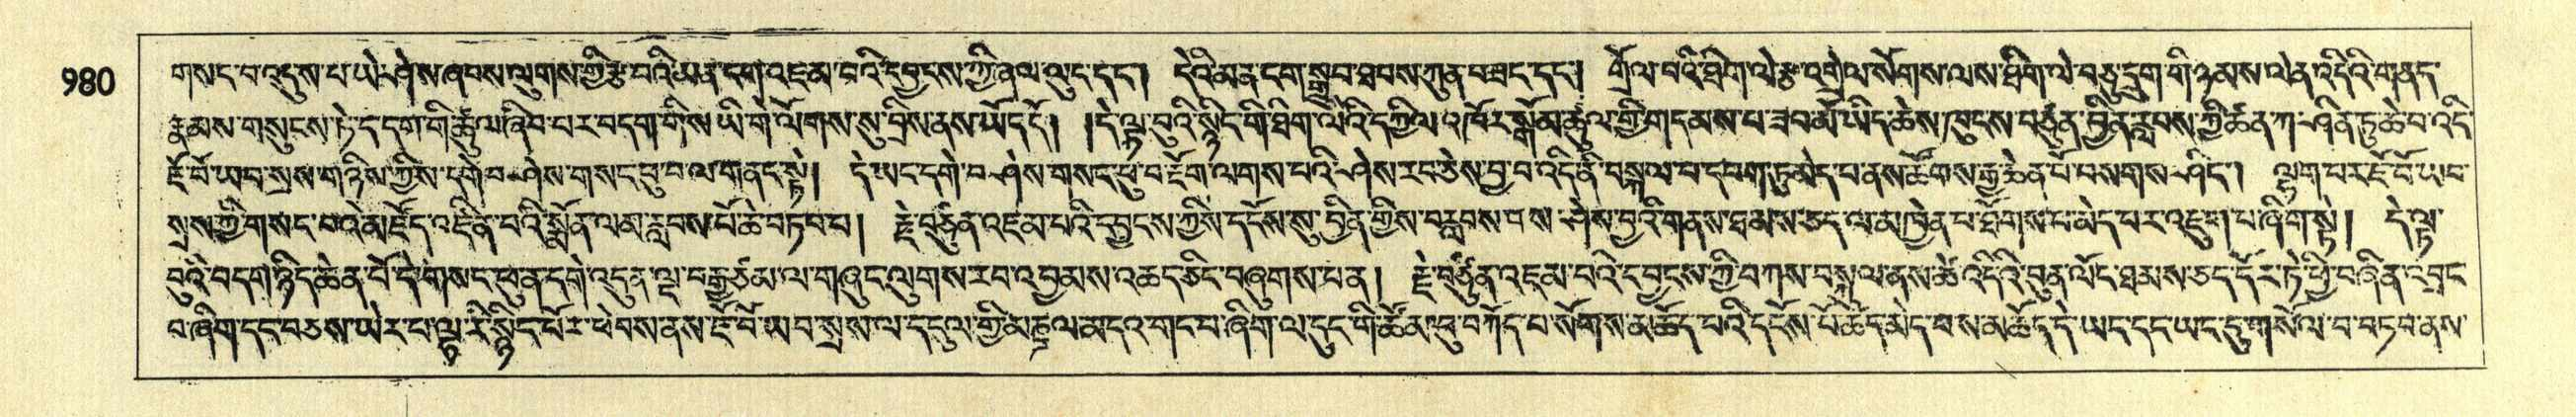གསང་བ་འདུས་པ་ཡེ་ཤེས་ཞབས་ལུགས་གྱི་རྩ་བའི་མན་ངག་འཇམ་པའི་དབྱངས་ཀྱི་ཞལ་ལུང་དང་། དེའི་མན་ངག་སྒྲུབ་ཐབས་ཀུན་བཟང་དང་། གྲོལ་བའི་ཐིག་ལེ་རྩ་འགྲེལ་སོགས་ལས་ཐིག་ལེ་བཅུ་དྲུག་གི་ཉམས་ལེན་འདིའི་གནད་
རྣམས་གསུངས་ཏེ་ད་དག་གི་ཚུལ་ཞིབ་པར་བདག་གིས་ཡི་གེ་ལོགས་སུ་བྲིས་ནས་ཡོད་དོ། །དེ་ལྟ་བུའི་སྙིང་གི་ཐེག་ལེའི་དཀྱིལ་འཁོར་སྒོམ་ཚུལ་གྱི་གདམས་པ་ཟབ་མོ་ཡིད་ཆེས་ཁུངས་བཙུན་བྱིན་རླབས་ཀྱི་ཚན་ཀ་ཤིན་ཏུ་ཆེ་བ་འདི་
ཇོ་བོ་ཡབ་སྲས་གཉིས་ཀྱིས་དགེ་བཤེས་གསང་ཕུ་བ་ལ་གནང་སྟེ། དེ་ཡང་དགེ་བཤེས་གསང་ཕུ་བ་རྡོག་ལགས་པའི་ཤེས་རབ་ཅེས་བྱ་བ་འདི་ནི་བསྐལ་པ་དཔག་ཏུ་མེད་པ་ནས་ཚོགས་རྒྱ་ཆེན་པོ་བསགས་ཤིང་། ལྷག་པར་ཇོ་བོ་ཡབ་
སྲས་ཀྱི་གསང་བའི་མཛོད་འཛིན་པའི་སྨོན་ལམ་རླབས་པོ་ཆེ་བཏབ་པ། རྗེ་བཙུན་འཇམ་པའི་དབྱངས་ཀྱིས་དངོས་སུ་བྱིན་གྱིས་བརླབས་བས་ཤེས་བྱའི་གནས་ཐམས་ཅད་ལ་མཁྱེན་པ་ཐོགས་པ་མེད་པར་འཇུག་པ་ཞིག་སྟེ། དེ་ལྟ་
བུའི་བདག་ཉིད་ཆེན་པོ་དེ་གསང་ཕུ་ན་དགེ་འདུན་ལྔ་བརྒྱ་ཙམ་ལ་གཞུང་ལུགས་རབ་འབྱམས་འཆད་ཅིང་བཞུགས་པ་ན། རྗེ་བཙུན་འཇམ་པའི་དབྱངས་ཀྱི་བཀས་བསྐུལ་ནས་ཚེ་འདིའི་བུན་ལོང་ཐམས་ཅད་དོར་ཏེ་ཕྱི་བཞིན་འབྲང་
བ་ཞིག་དང་བཅས་ཡེར་པ་ལྷ་རི་སྙིང་པོར་ཕེབས་ནས་ཇོ་བོ་ཡབ་སྲས་ལ་དངུལ་གྱི་མཎྜལ་མདའ་གང་བ་ཞིག་ལ་དུང་གི་ཚོམ་བུ་བཀོད་པ་སོགས་མཆོད་པའི་དངོས་པོ་ཚད་མེད་བས་མཆོད་དེ་ཡང་དང་ཡང་དུ་གསོལ་བ་བཏབ་ནས་